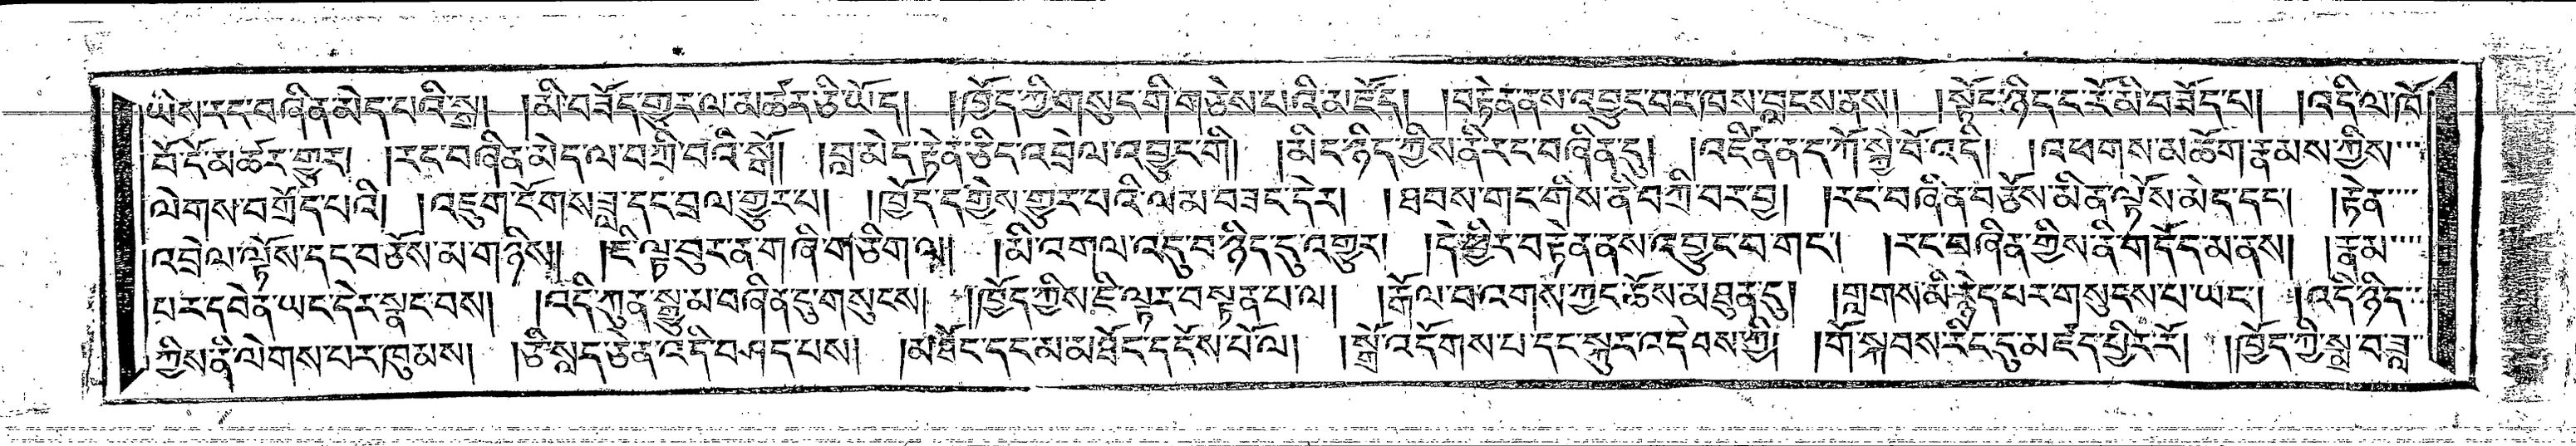ཡིས་རང་བཞིན་མེད་པའི་སྒྲ། །མི་བཟོད་གྱུར་ལ་མཚར་ཅི་ཡོད། །ཁྱོད་ཀྱི་གསུང་གི་གཅེས་པའི་མཛོད། །བརྟེན་ནས་འབྱུང་བར་ཁས་བླངས་ནས། །སྟོང་ཉིད་ང་རོ་མི་བཟོད་པ། །འདི་ལ་ཁོ་
བོ་ངོ་མཚར་གྱུར། །རང་བཞིན་མེད་ལ་བཀྲི་བའི་སྒོ། །བླ་མེད་རྟེན་ཅིང་འབྲེལ་འབྱུང་གི། །མིང་ཉིད་ཀྱིས་ནི་རང་བཞིན་དུ། །འཛིན་ན་ད་ཀོ་སྐྱེ་བོ་འདི། །འཕགས་མཆོག་རྣམས་ཀྱིས་
ལེགས་བགྲོད་པའི། །འཇུག་དོགས་ཟླ་དང་བྲལ་གྱུར་པ། །ཁྱོད་དགྱེས་གྱུར་པའི་ལམ་བཟང་དེར། །ཐབས་གང་གིས་ནི་བཀྲི་བར་བྱ། །རང་བཞིན་བཅོས་མིན་ལྟོས་མེད་དང་། །རྟེན་
འབྲེལ་ལྟོས་དང་བཅོས་མ་གཉིས། །ཇི་ལྟ་བུར་ན་གཞི་གཅིག་ལ། །མི་འགལ་འདུ་བ་ཉིད་དུ་འགྱུར། །དེ་ཕྱིར་བརྟེན་ནས་འབྱུང་བ་གང་། །རང་བཞིན་གྱིས་ནི་གདོད་མ་ནས། །རྣམ་
པར་དབེན་ཡང་དེར་སྣང་བས། །འདི་ཀུན་སྒྱུ་མ་བཞིན་དུ་གསུངས། །ཁྱོད་ཀྱིས་ཇི་ལྟར་བསྟན་པ་ལ། །རྒོལ་བ་འགས་ཀྱང་ཆོས་མཐུན་དུ། །གླགས་མི་རྙེད་པར་གསུངས་པ་ཡང་། །འདི་ཉིད་
ཀྱིས་ནི་ལེགས་པར་ཁུམས། །ཅི་སླད་ཅེ་ན་འདི་བཤད་པས། །མཐོང་དང་མ་མཐོང་དངོས་པོ་ལ། །སྒྲོ་འདོགས་པ་དང་སྐུར་འདེབས་ཀྱི། །གོ་སྐབས་རིང་དུ་མཛད་པྱིར་རོ། །ཁྱོད་ཀྱི་སྨྲ་བ་ཟླ་